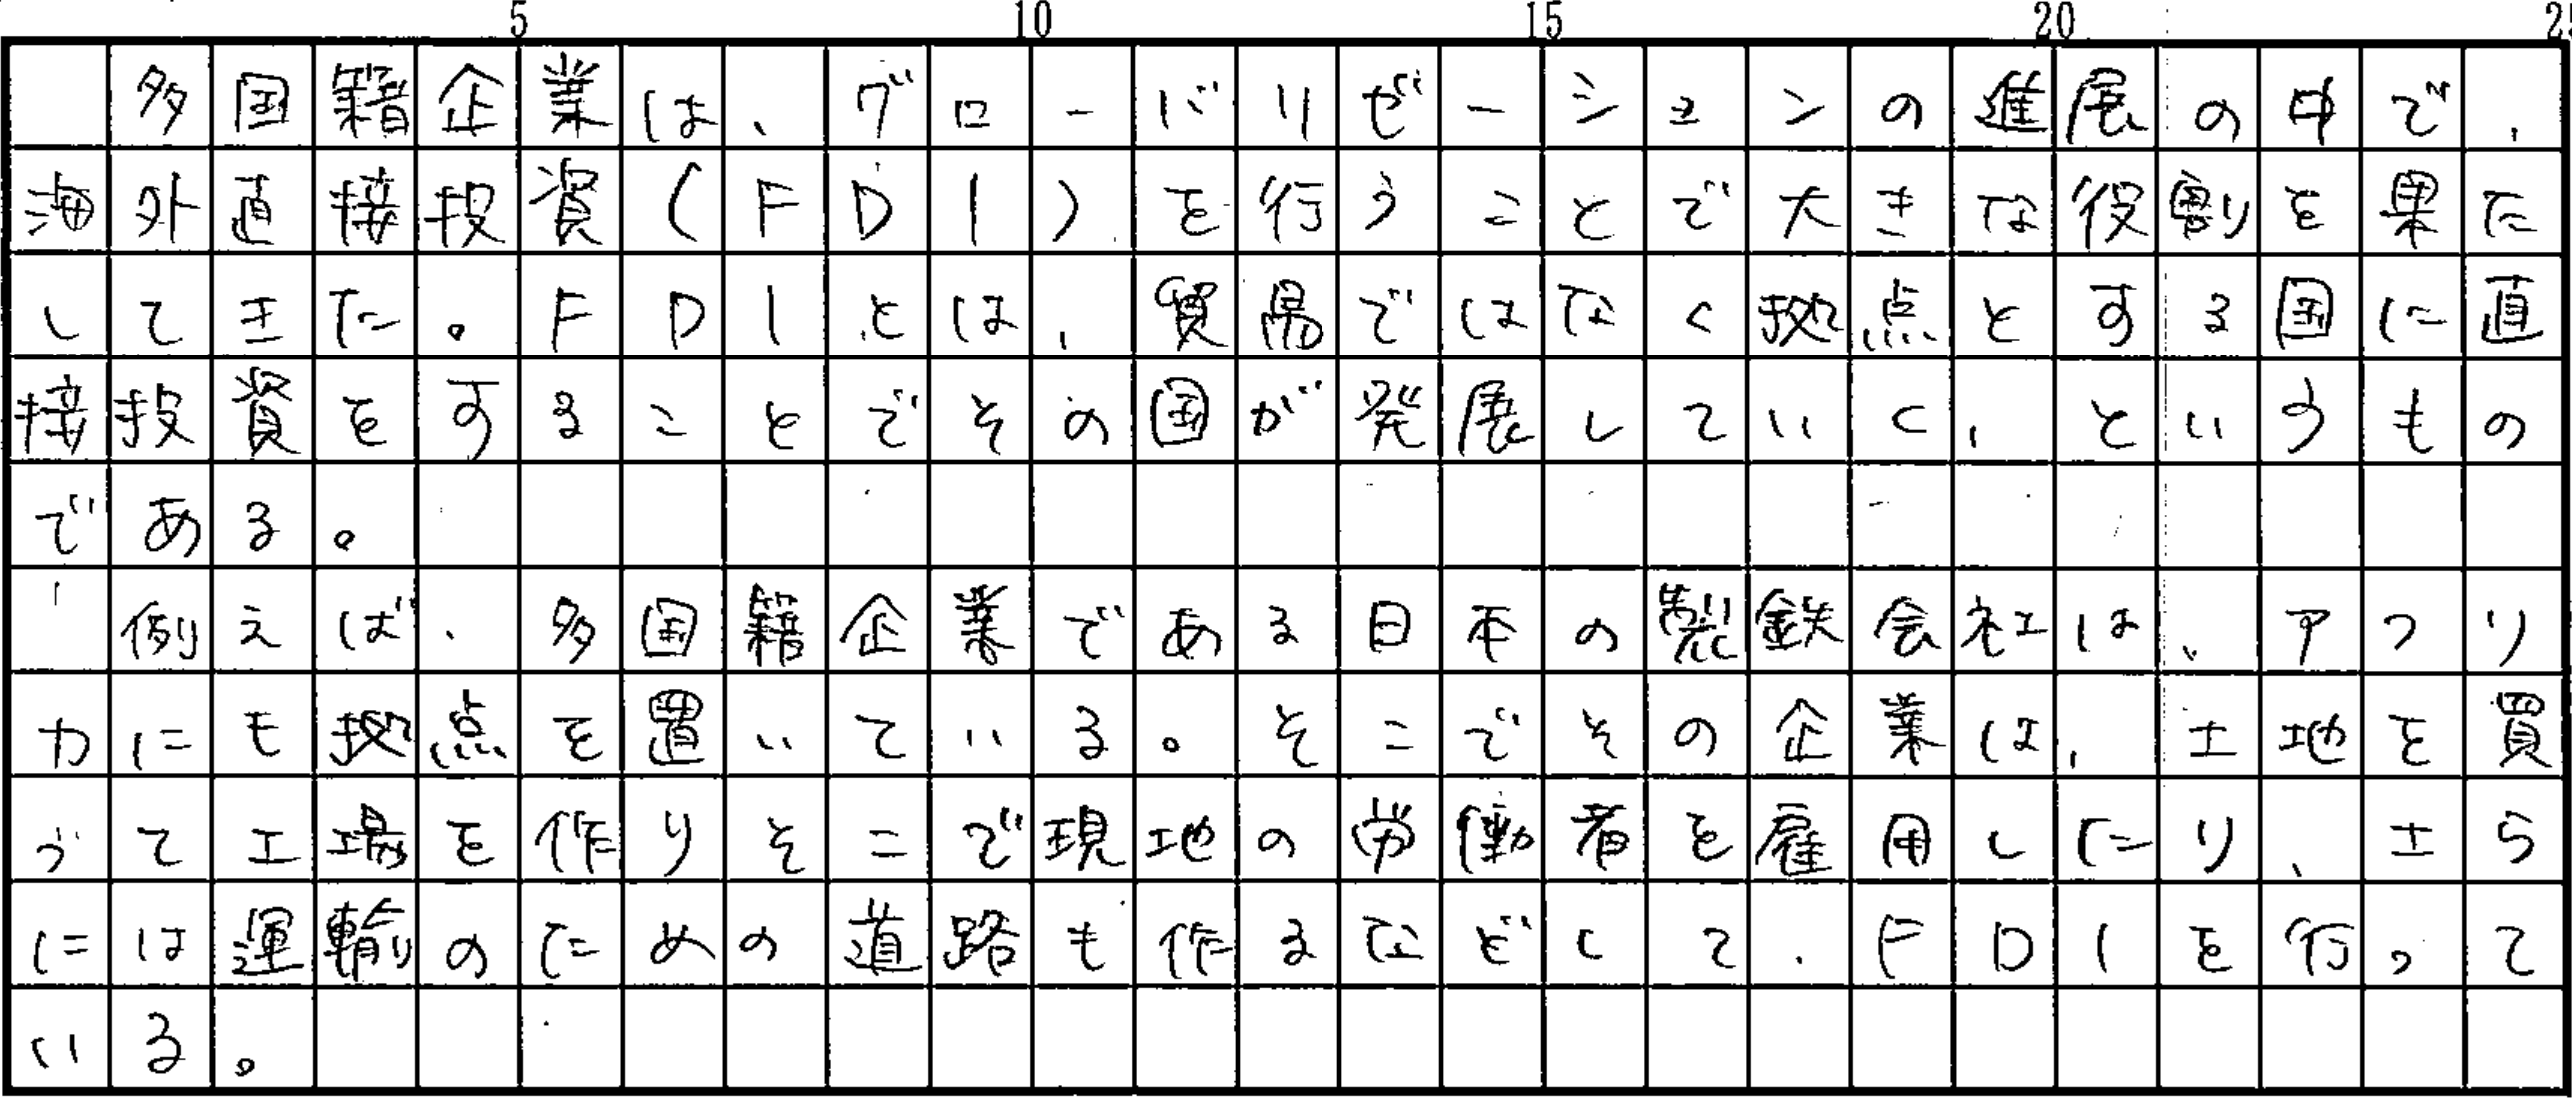　多国籍企業は、グローバリゼーションの進展の中で、海外直接投資（ＦＤＩ）を行うことで大きな役割を果たしてきた。ＦＤＩとは、貿易ではなく拠点とする国に直接投資をすることでその国が発展していく、というものである。
　例えば、多国籍企業である日本の製鉄会社は、アフリカにも拠点を置いている。そこでその企業は、土地を買って工場を作りそこで現地の労働者を雇用したり、さらには運輸のための道路も作るなどして、ＦＤＩを行っている。
